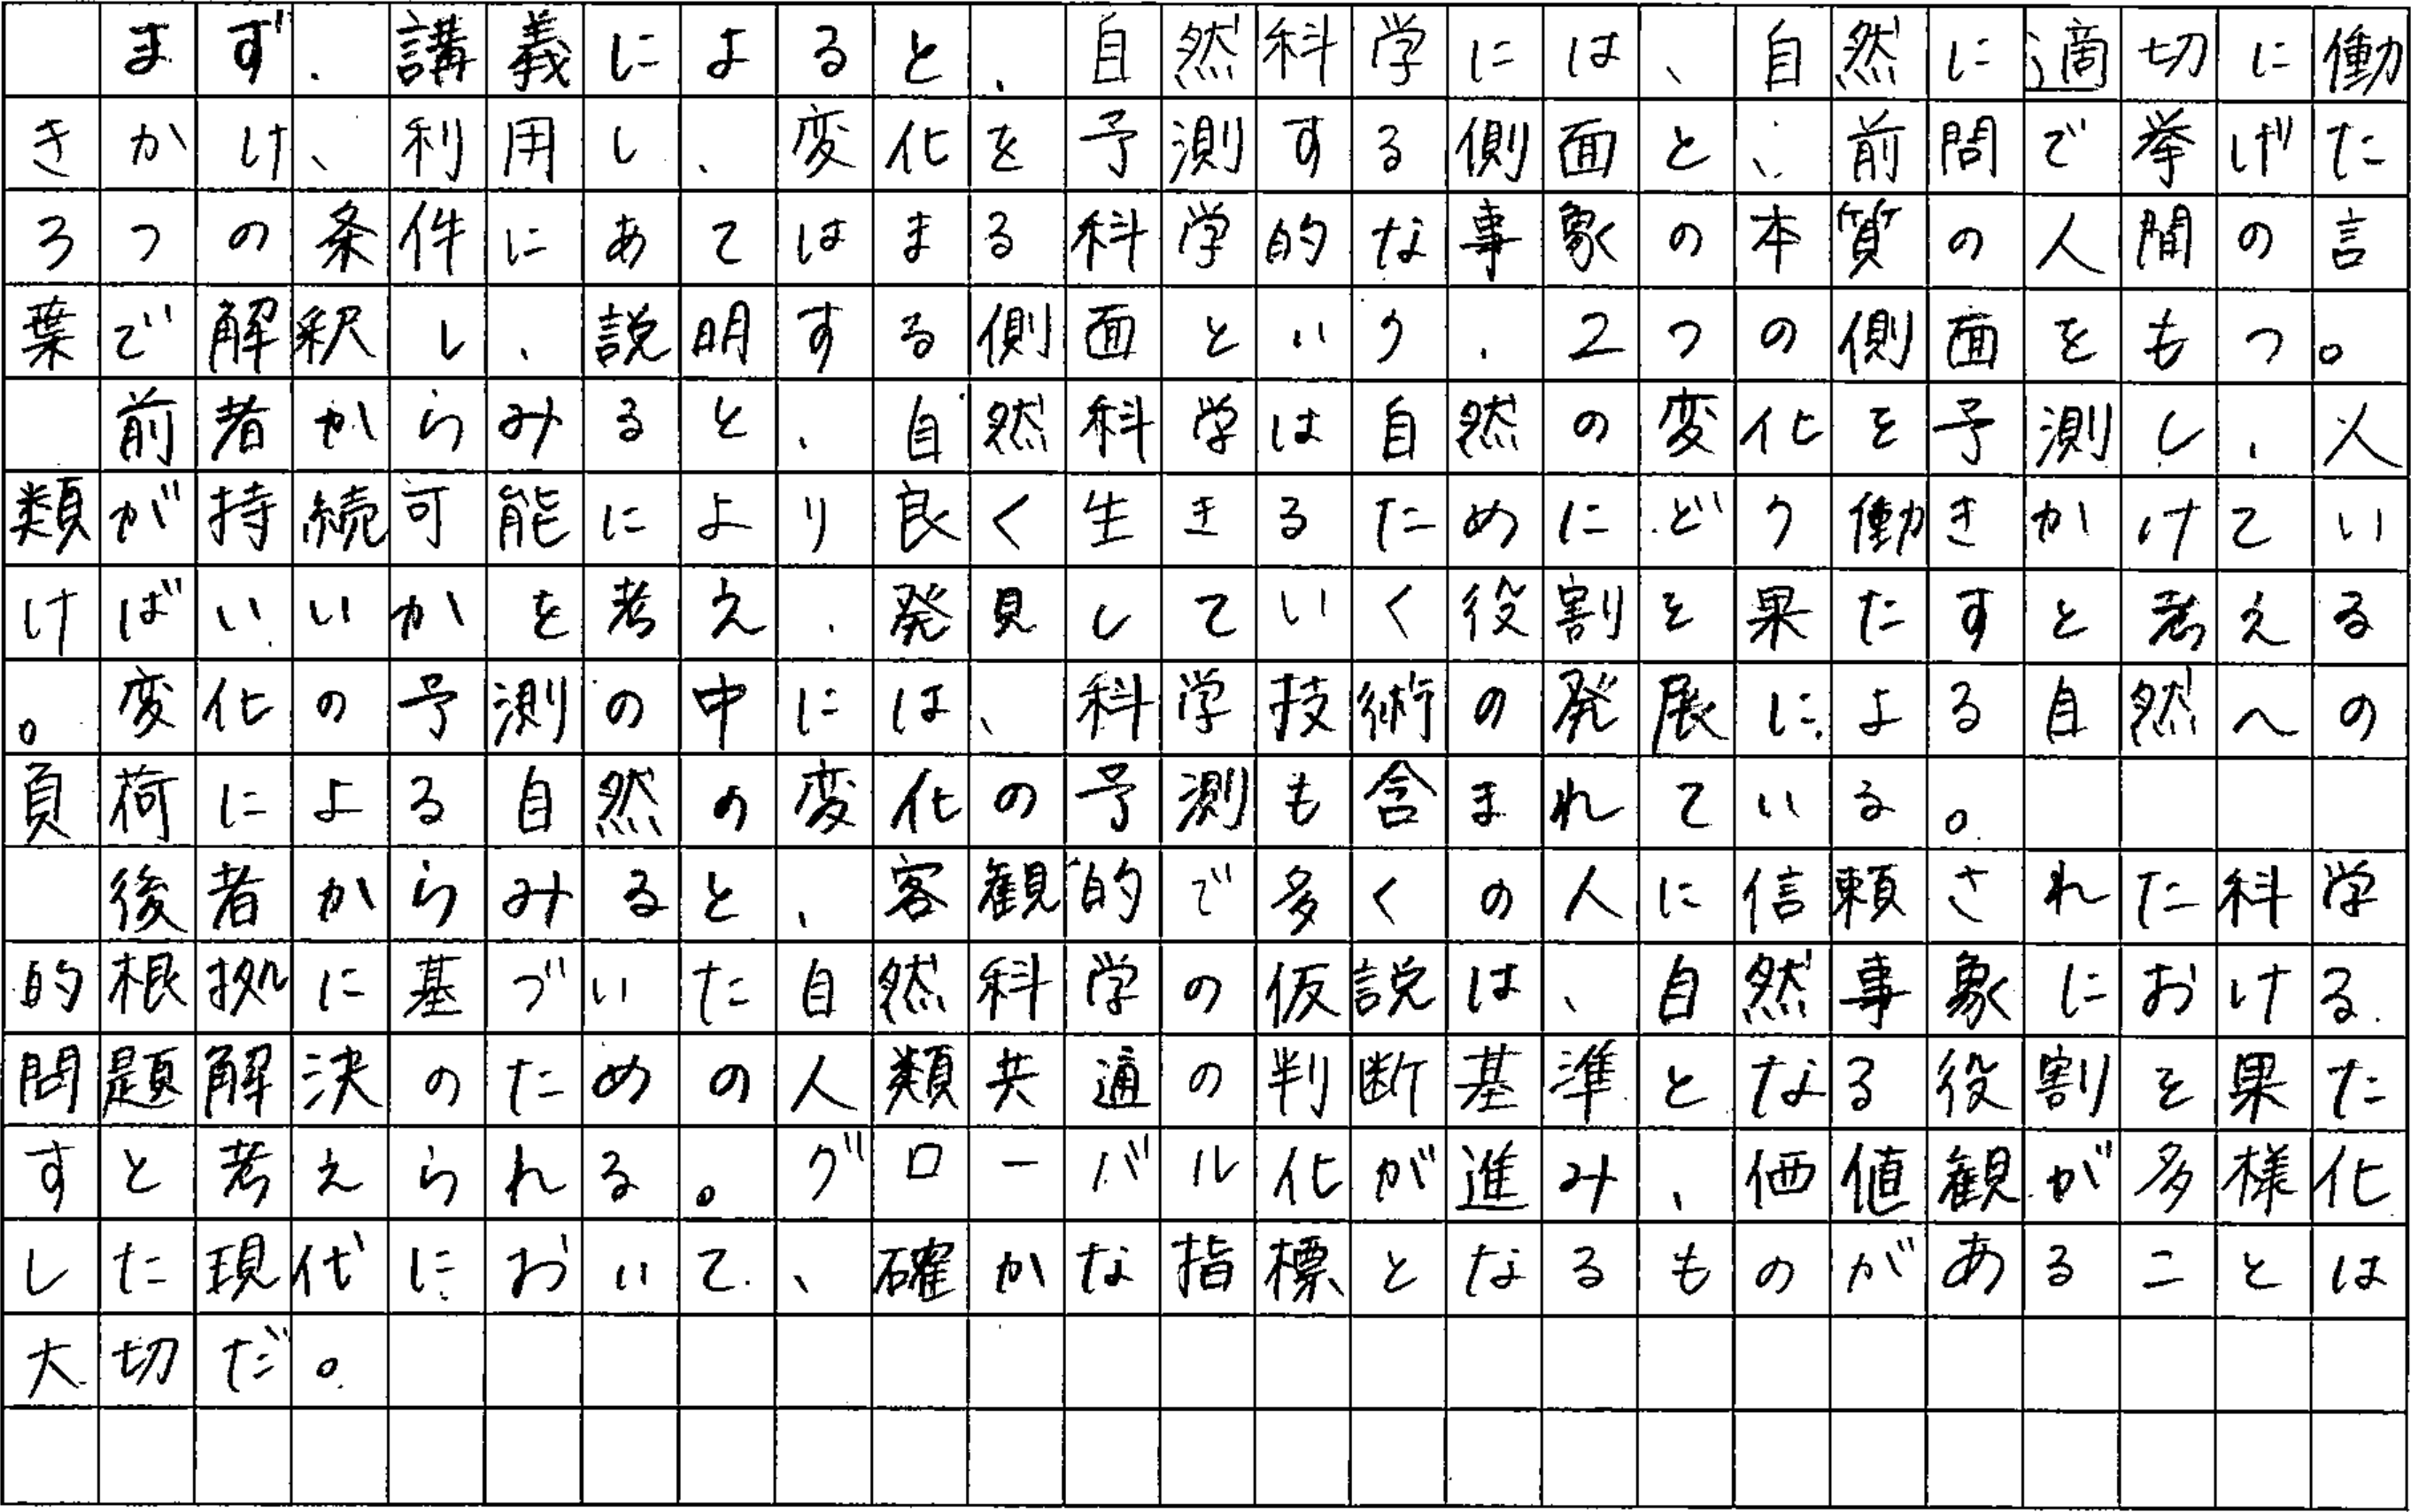　まず、講義によると、自然科学には、自然に適切に働きかけ、利用し、変化を予測する側面と、前問で挙げた３つの条件にあてはまる科学的な事象の本質の人間の言葉で解釈し、説明する側面という、２つの側面をもつ。
　前者からみると、自然科学は自然の変化を予測し、人類が持続可能により良く生きるためにどう働きかけていけばいいかを考え、発見していく役割を果たすと考える。変化の予測の中には、科学技術の発展による自然への負荷による自然の変化の予測も含まれている。
　後者からみると、客観的で多くの人に信頼された科学的根拠に基づいた自然科学の仮説は、自然事象における問題解決のための人類共通の判断基準となる役割を果たすと考えられる。グローバル化が進み、価値観が多様化した現代において、確かな指標となるものがあることは大切だ。
